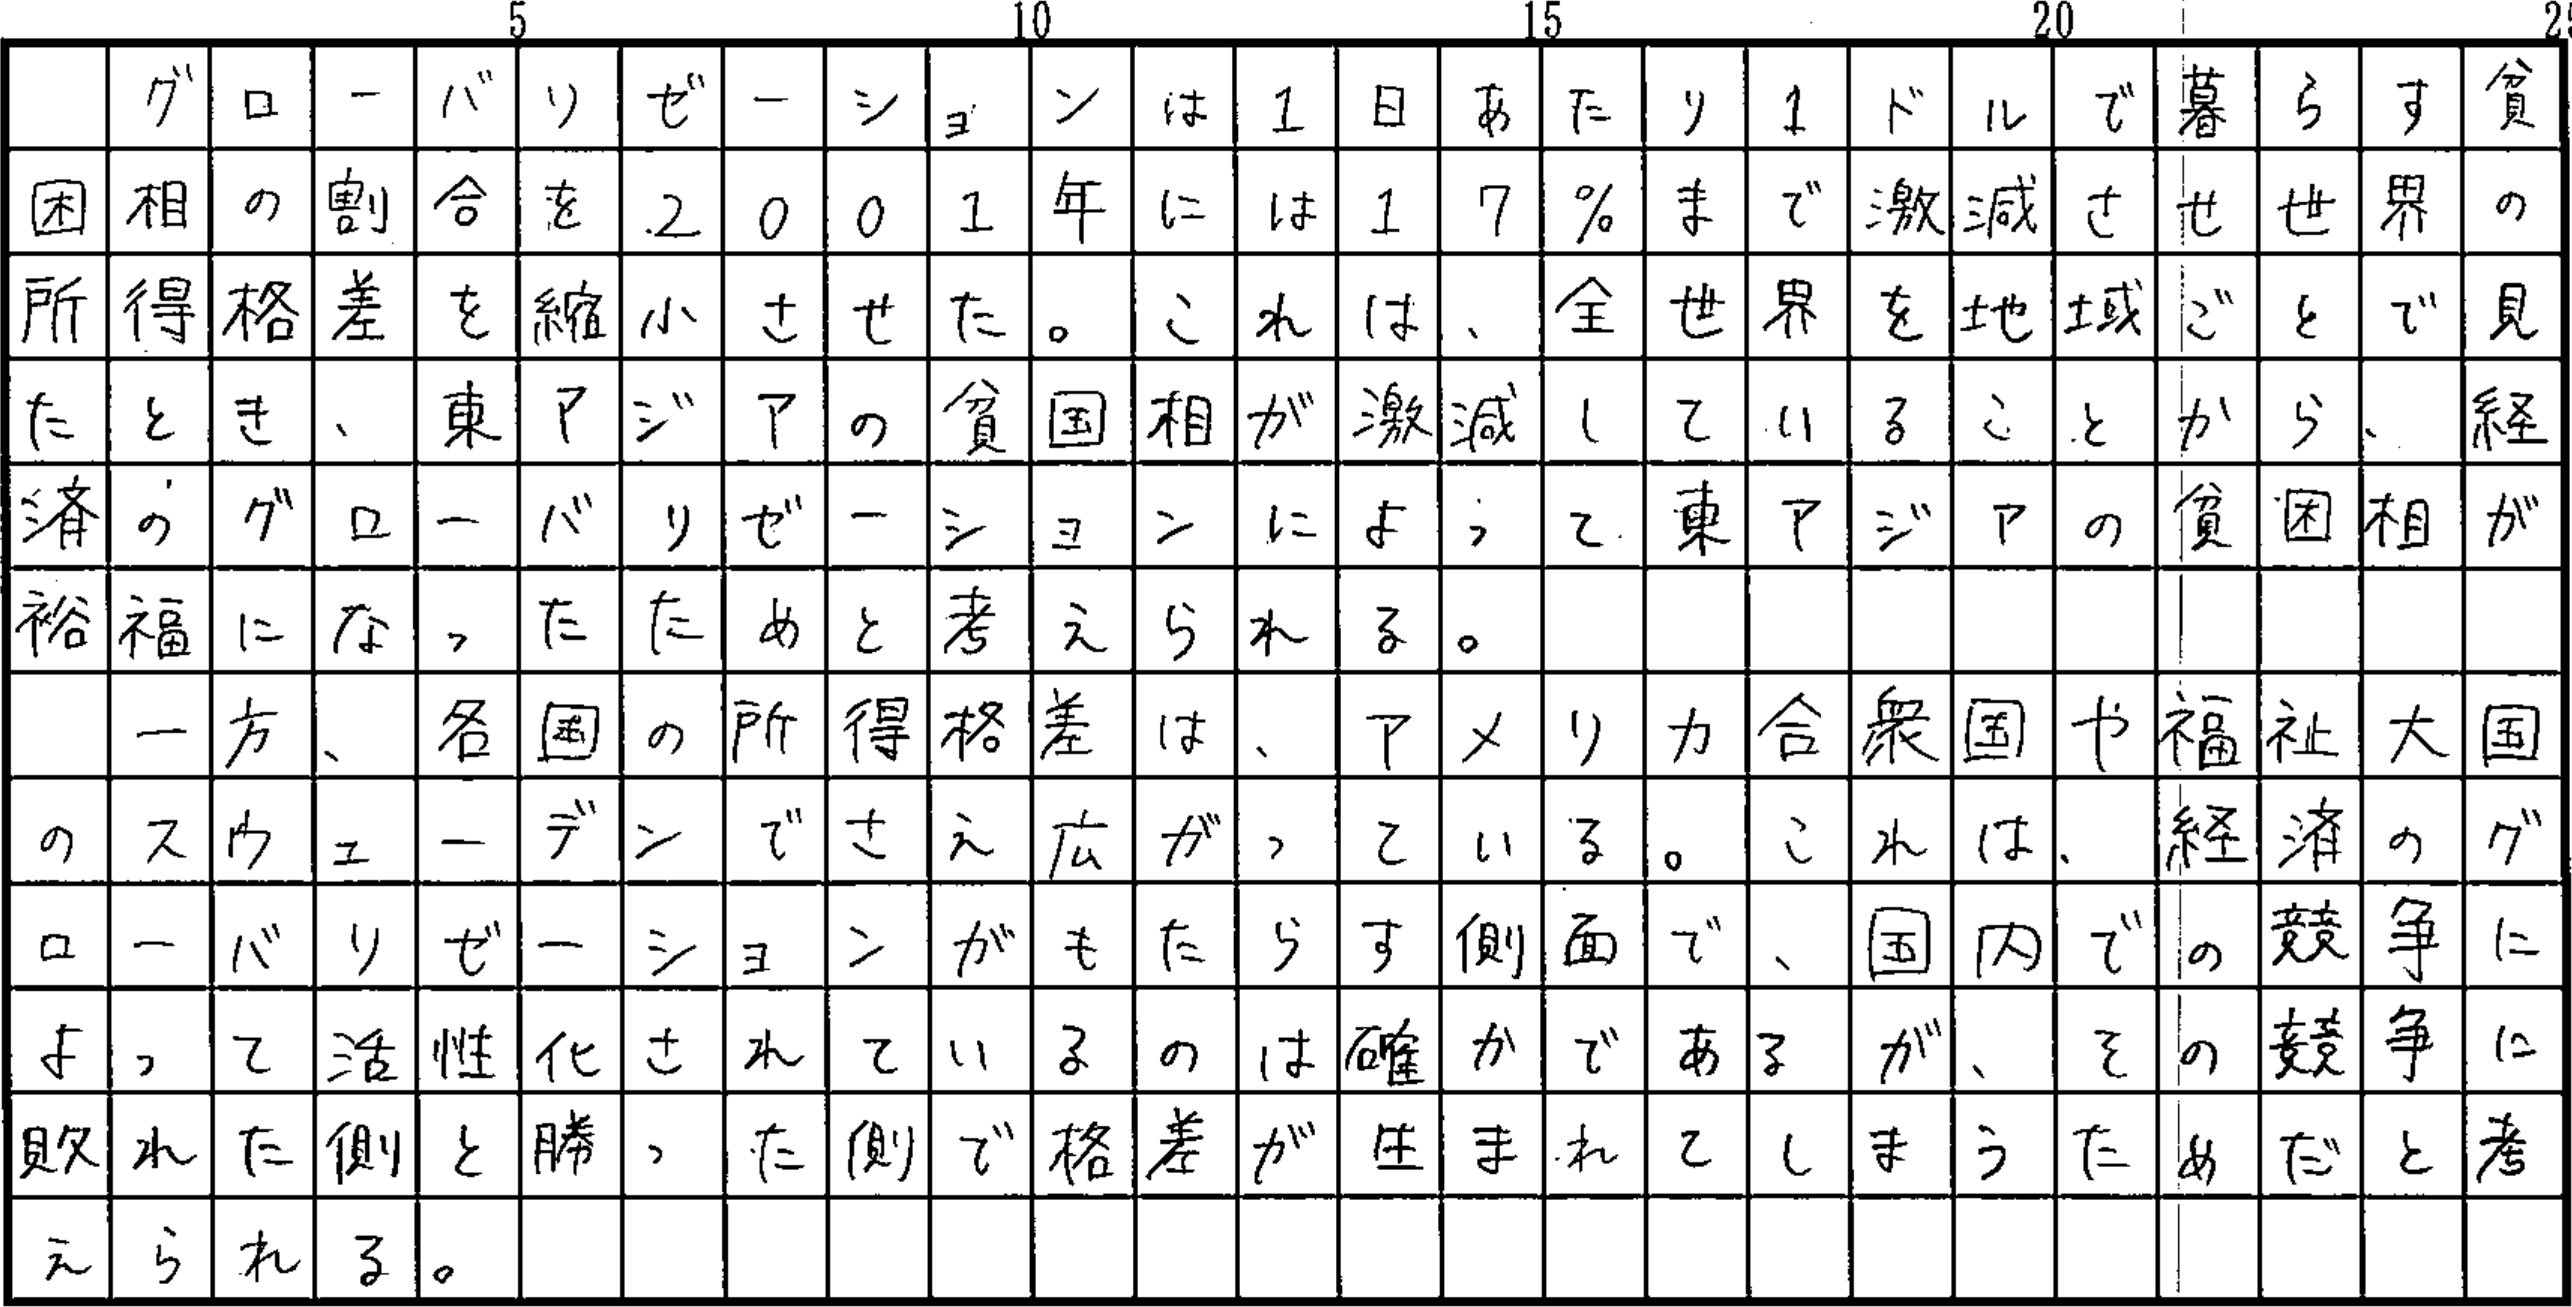　グローバリゼーションは１日あたり１ドルで暮らす貧困相の割合を２００１年には１７％まで激減させ世界の所得格差を縮小させた。これは、全世界を地域ごとで見たとき、東アジアの貧国相が激減していることから、経済のグローバリゼーションによって東アジアの貧困相が裕福になったためと考えられる。
　一方、各国の所得格差は、アメリカ合衆国や福祉大国のスウェーデンでさえ広がっている。これは、経済のグローバリゼーションがもたらす側面で、国内での競争によって活性化されているのは確かであるが、その競争に敗れた側と勝った側で格差が生まれてしまうためだと考えられる。
